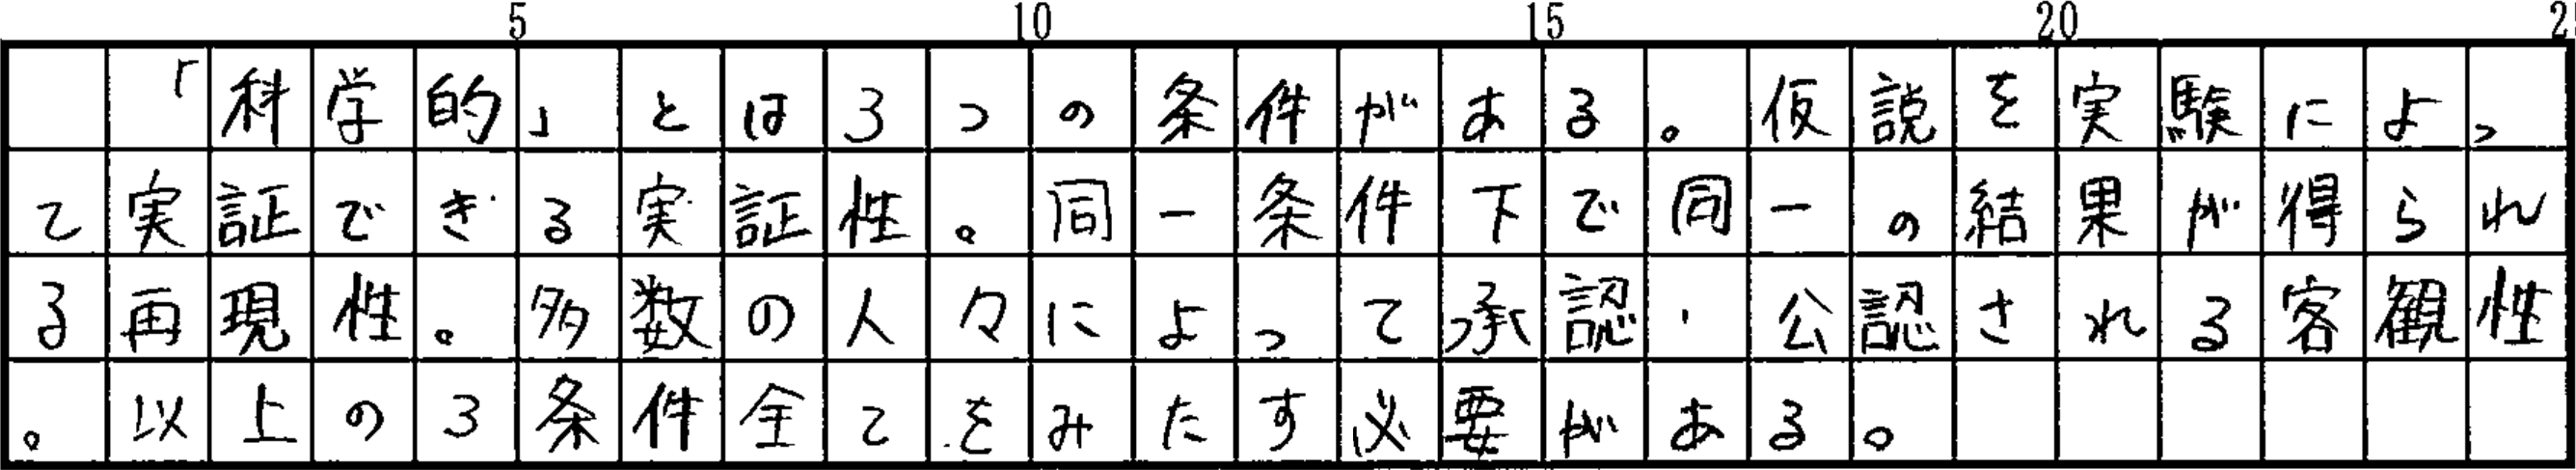　「科学的」とは３つの条件がある。仮説を実験によって実証できる実証性。同一条件下で同一の結果が得られる再現性。多数の人々によって承認・公認される客観性。以上の３条件全てをみたす必要がある。
